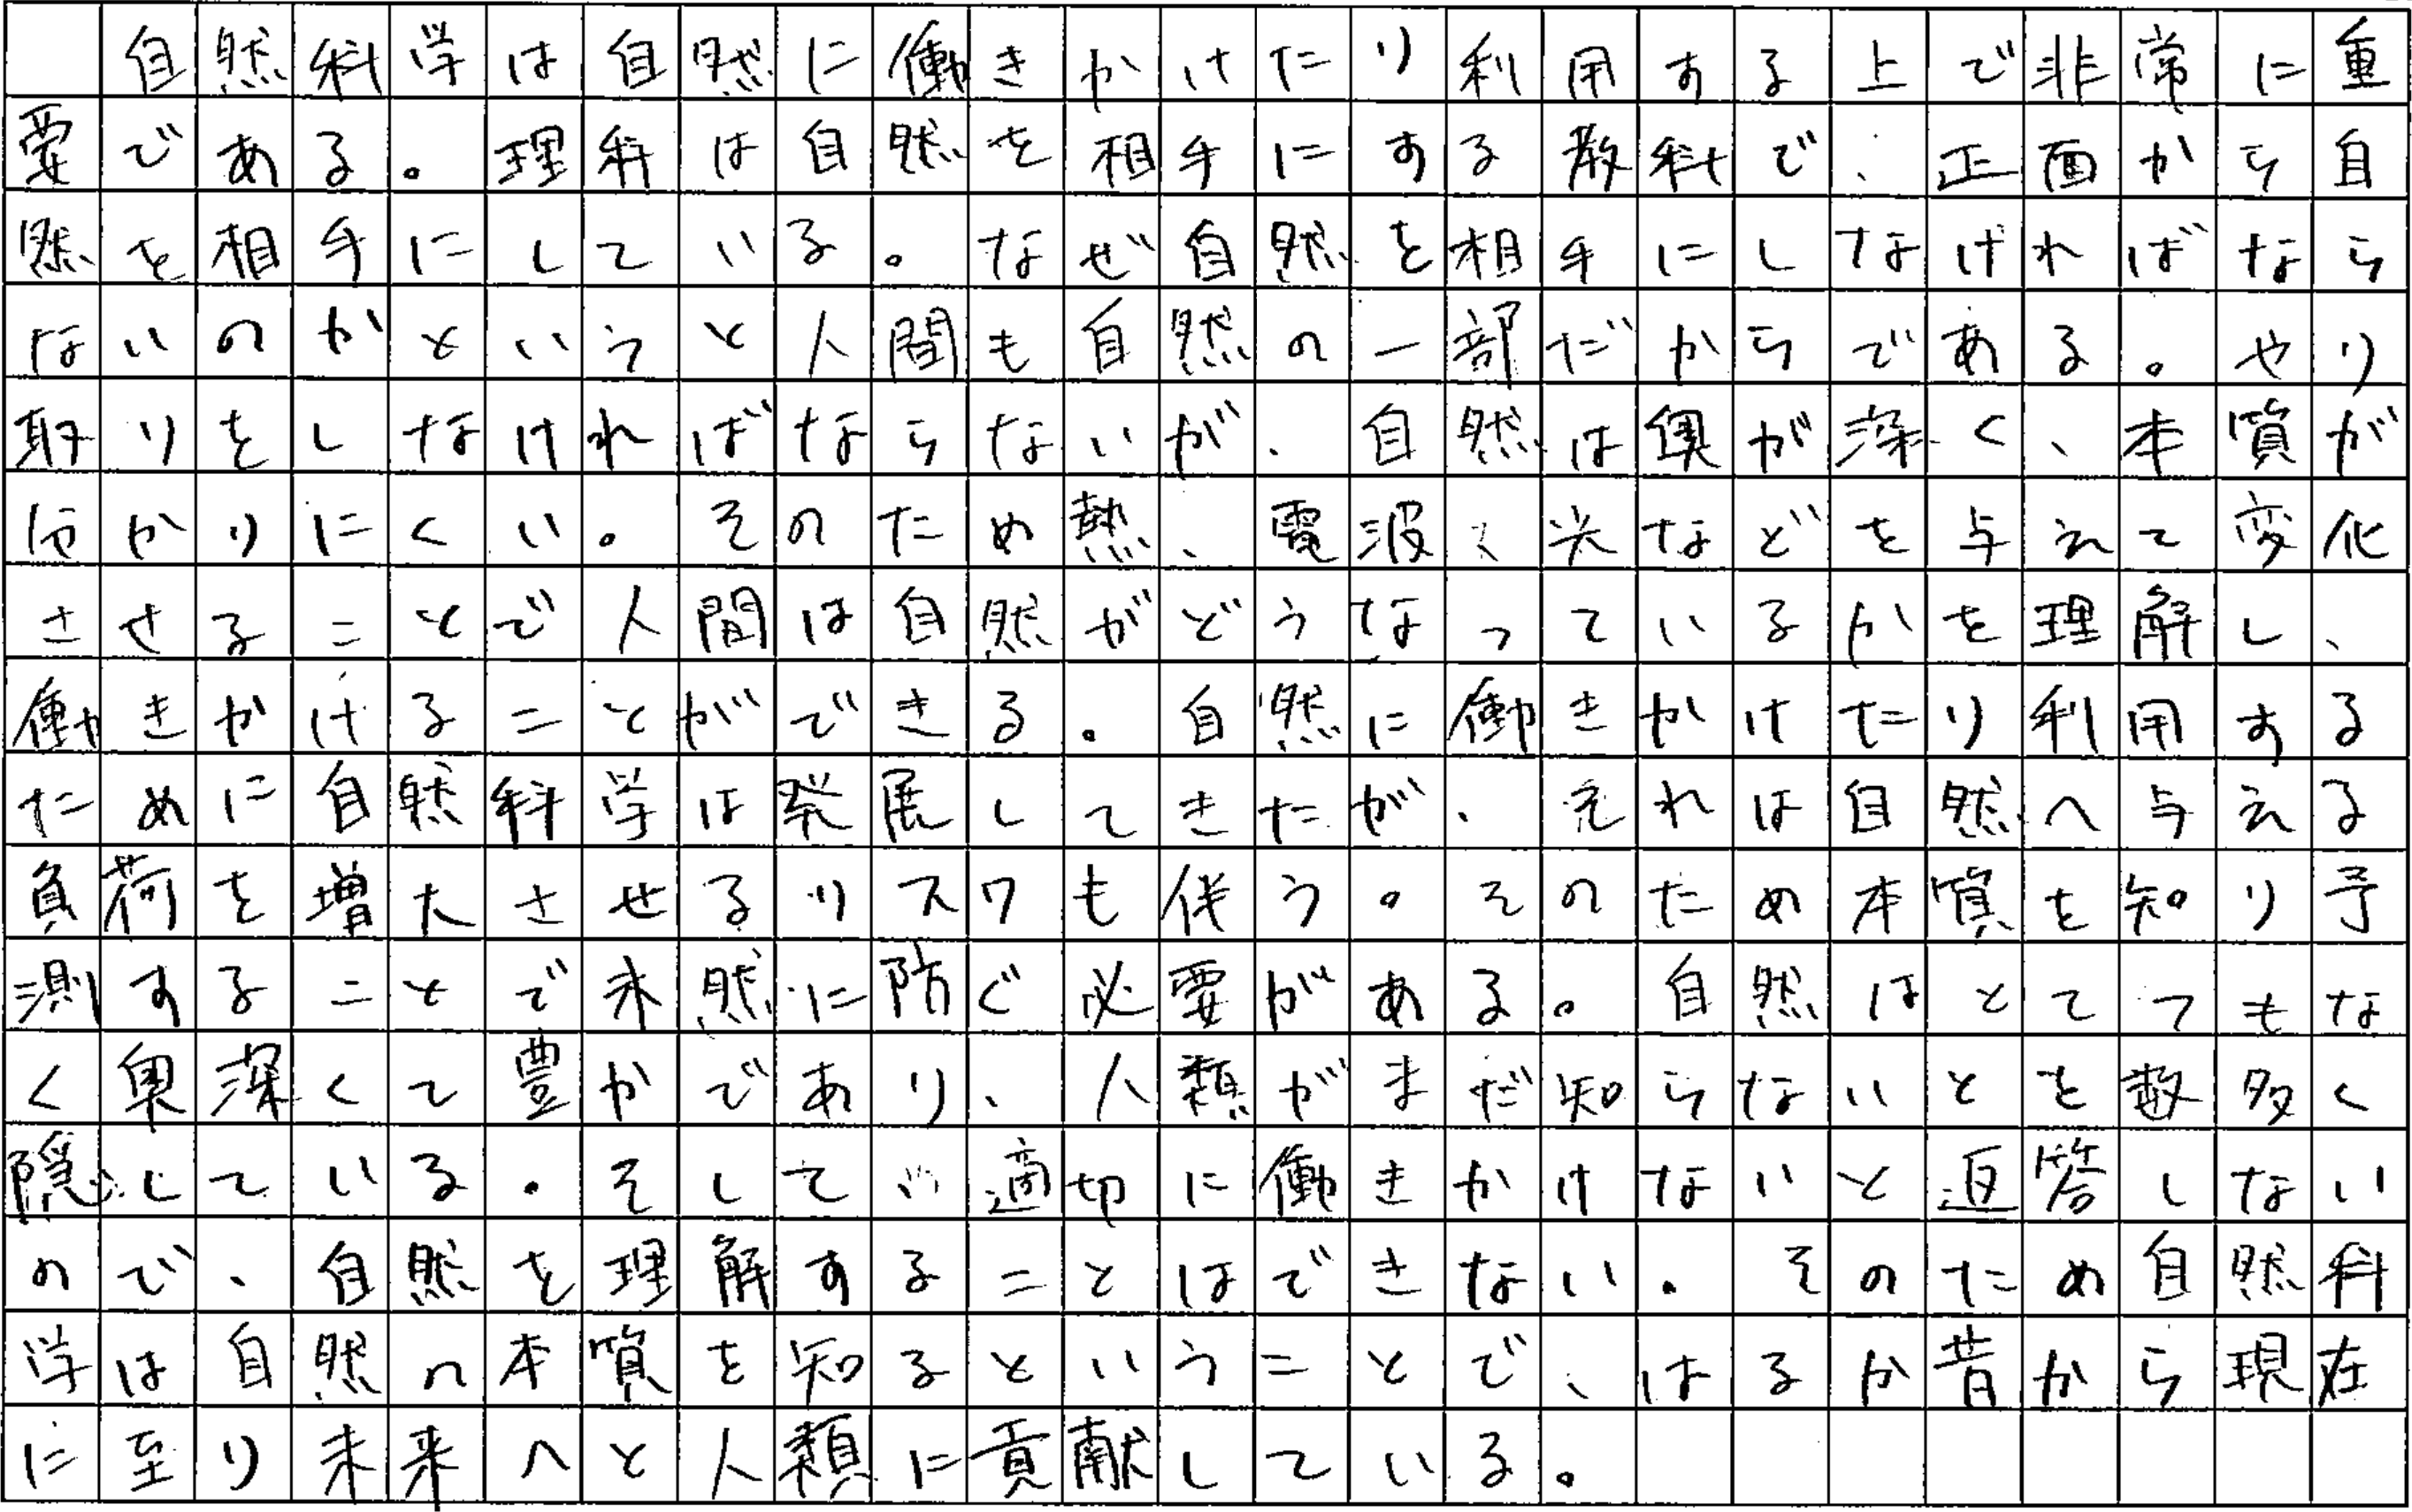　自然科学は自然に働きかけたり利用する上で非常に重要である。理科は自然を相手にする教科で、正面から自然を相手にしている。なぜ自然を相手にしなければならないのかというと人間も自然の一部だからである。やり取りをしなければならないが、自然は奥が深く、本質が分かりにくい。そのため熱、電波、光などを与えて変化させることで人間は自然がどうなっているかを理解し、働きかけることができる。自然に働きかけたり利用するために自然科学は発展してきたが、それは自然へ与える負荷を増大させるリスクも伴う。そのため本質を知り予測することで未然に防ぐ必要がある。自然はとてつもなく奥深くて豊かであり、人類がまだ知らないとを数多く隠している。そして、適切に働きかけないと返答しないので、自然を理解することはできない。そのため自然科学は自然の本質を知るということで、はるか昔から現在に至り未来へと人類に貢献している。
